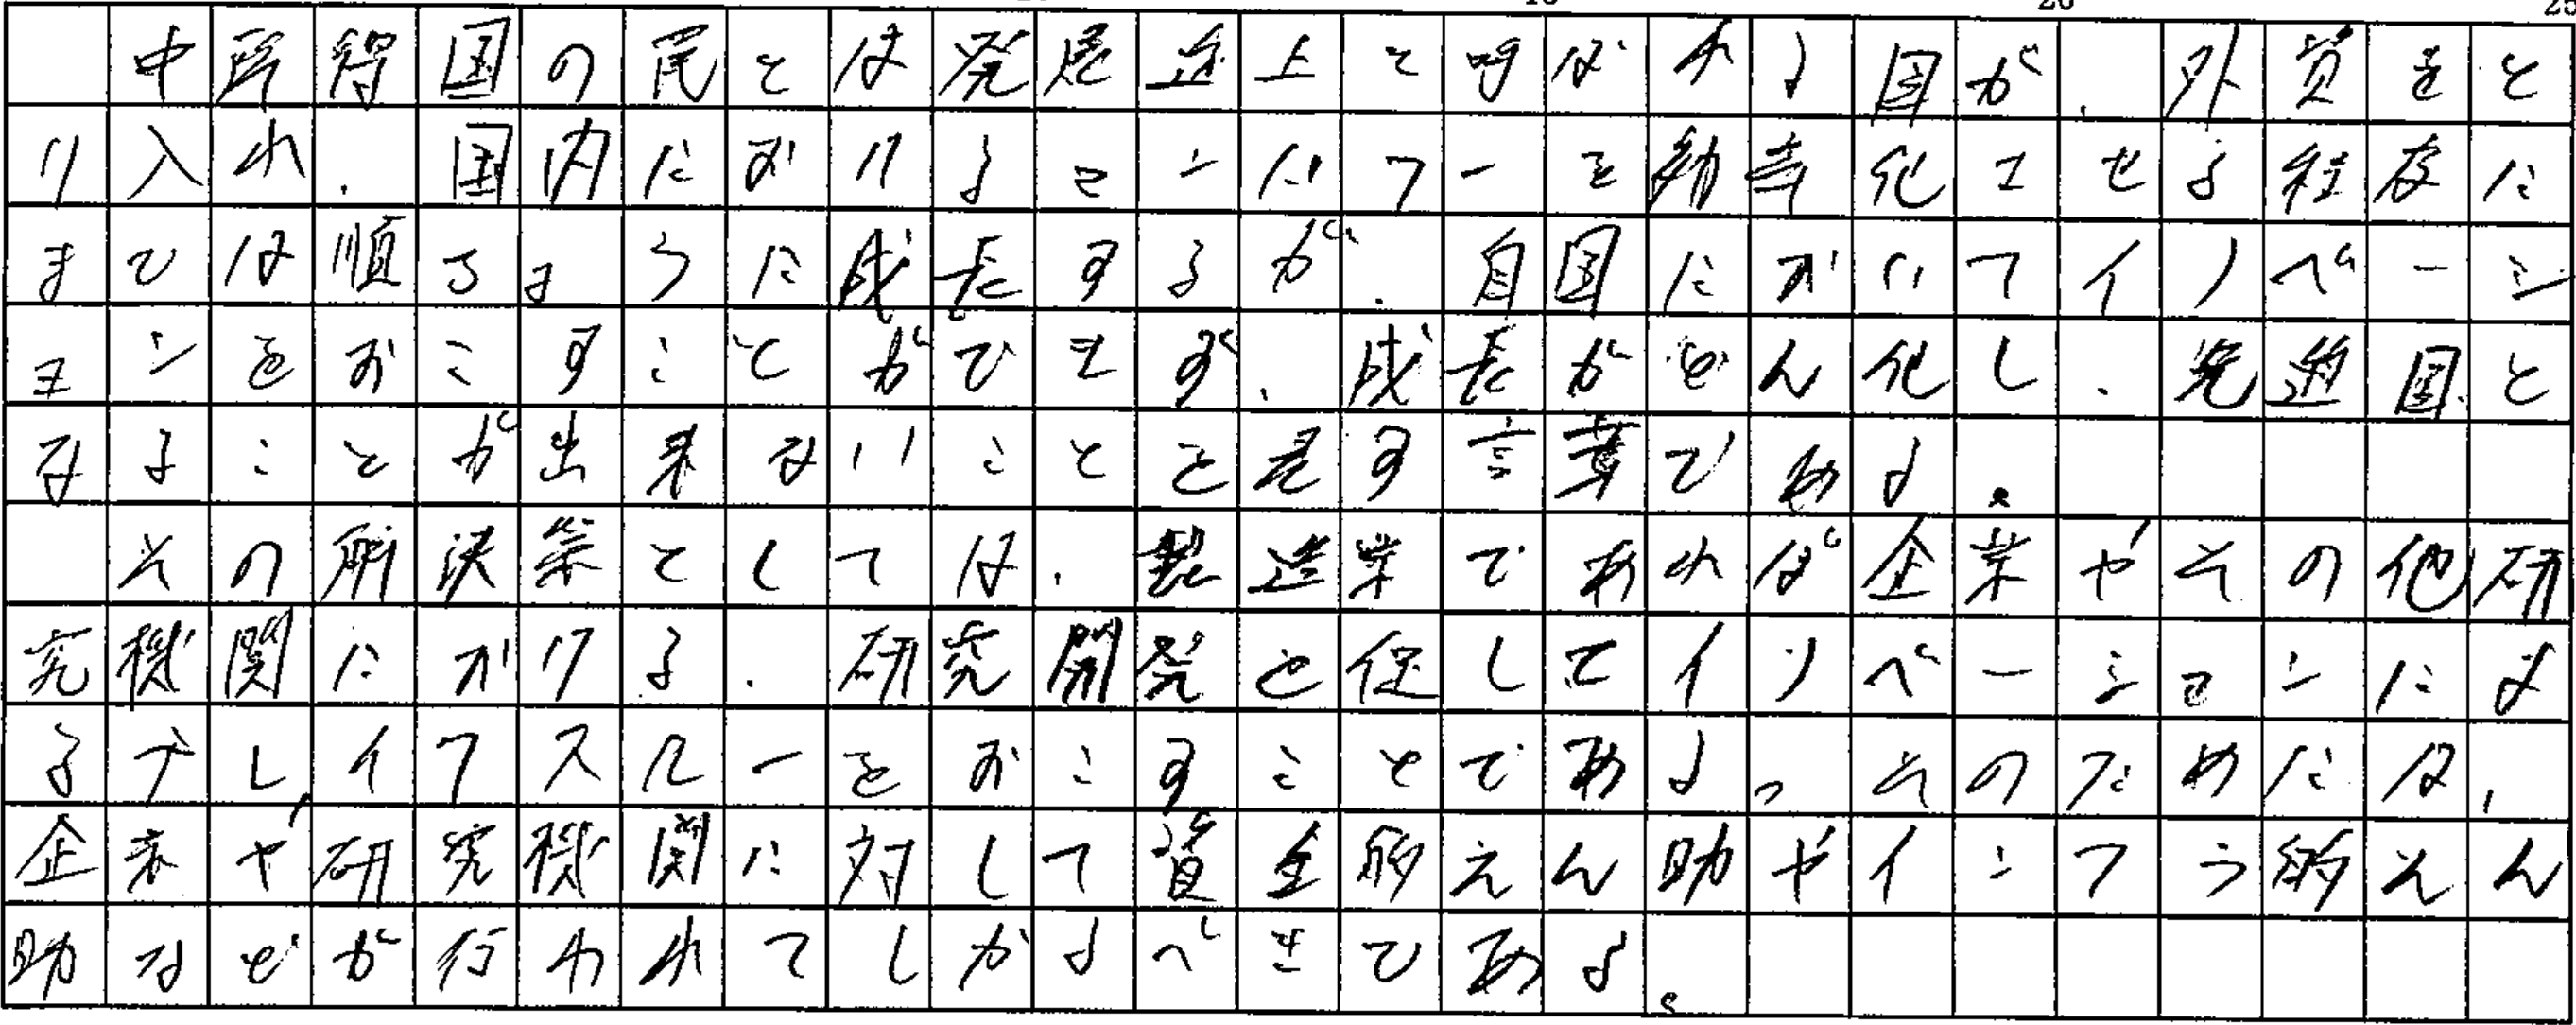　中所得国の罠とは発展途上と呼ばれる国が、外資をとり入れ、国内におけるマンパワーを効▁化させる程▁にまでは順ちょうに成長するが、自国においてイノベーションをおこすことができず、成長がどん化し、先進国となることが出来ないことを表す言葉である。
　その解決策としては、製造業であれぽ企業やその他研究機関における、研究開発を促してイノベーションによるブレイクスルーをおこすことである。そのためには、企業や研究機関に対して資金的えん助やインフラ的えん助などが行われてしかるべきである。
